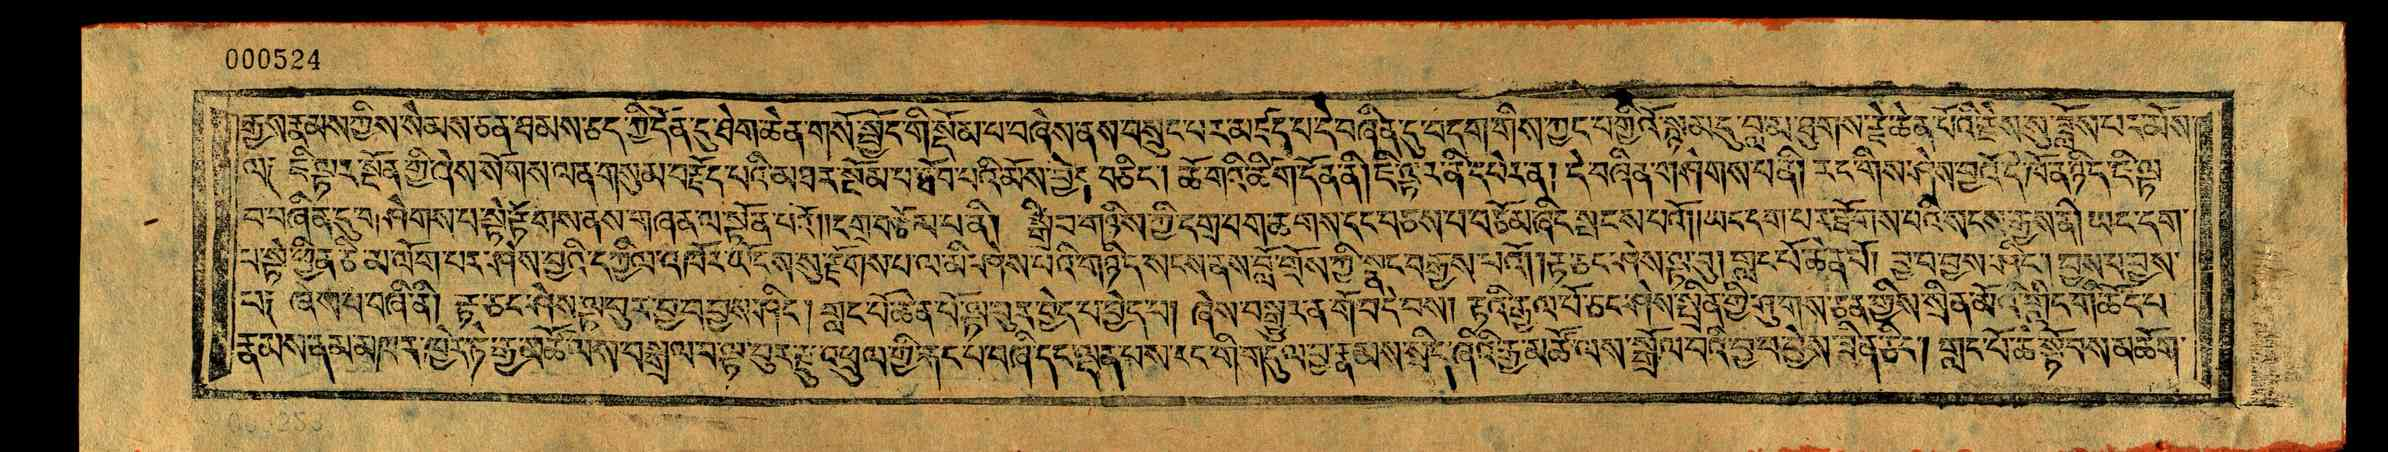རྒྱས་རྣམས་ཀྱིས་སེམས་ཅན་ཐམས་ཅད་ཀྱི་དོན་དུ་ཐེག་ཆེན་གསོ་སྦྱོང་གི་སྡོམ་པ་བཞེས་ནས་བསྲུང་བར་མཛད་པ་དེ་བཞིན་དུ་བདག་གིས་ཀྱང་བགྱིའོ་སྙམ་དུ་བླ་མ་ཐུགས་རྗེ་ཆེན་པོའི་རྗེས་སུ་ཟློས་པར་མོས་
ལ༑ ཇི་ལྟར་སྔོན་གྱི་ཞེས་སོགས་ལན་གསུམ་བརྗོད་པའི་མཐར་སྡོམ་པ་ཐོབ་པའི་མོས་པ་བྱེད་ཅིང་། ཆོ་གའི་ཚིག་དོན་ནི། ཇི་ལྟར་ནི་དཔེར་ན། དེ་བཞིན་གཤེགས་པ་ནི། རང་གིས་ཤེས་བྱའི་དེ་ཁོ་ན་ཉིད་ཇི་ལྟ་
བ་བཞིན་དུ་གཤེགས་པ་སྟེ་རྟོགས་ནས་གཞན་ལ་སྟོན་པའོ། །དགྲ་བཅོམ་པ་ནི། སྒྲིབ་གཉིས་ཀྱི་དགྲ་བག་ཆགས་དང་བཅས་པ་བཅོམ་ཞིང་སྤངས་པའོ། །ཡང་དག་པར་རྫོགས་པའི་སངས་རྒྱས་ནི། ཡང་དག་
པ་སྟེ་ཕྱིན་ཅི་མ་ལོག་པར་ཤེས་བྱའི་དཀྱིལ་འཁོར་ཡོངས་སུ་རྫོགས་པ་ལ་མི་ཤེས་པའི་གཉིད་སངས་ནས་བློ་གྲོས་ཀྱི་སྣང་བ་རྒྱས་པའོ། །རྟ་ཅང་ཤེས་ལྟ་བུ། གླང་པོ་ཆེན་པོ། བྱ་བ་བྱས་ཤིང་། བྱེད་པ་བྱས་
པ༑ ཞེས་པ་བཞི་ནི། རྟ་ཅང་ཤེས་ལྟ་བུར་བྱ་བ་བྱས་ཤིང་། གླང་པོ་ཆེན་པོ་ལྟ་བུར་བྱེད་པ་བྱེད་པ། ཞེས་བསྒྱུར་ན་གོ་བདེ་བས། རྟའི་རྒྱལ་པོ་ཅང་ཤེས་སྤྲིན་གྱི་ཤུགས་ཅན་གྱིས་སྲིན་མོའི་གླིང་གི་ཚོ་ང་པ་
རྣམས་ནམ་མཁར་ཁྱེར་ཏེ་རྒྱ་མཚོ་ལས་བསྒྲལ་བ་ལྟ་བུར་རྫུ་འཕྲུལ་གྱི་རྐང་པ་བཞི་དང་ལྡན་པས་རང་གི་གདུལ་བྱ་རྣམས་སིང་ཞིའི་རྒྱ་མཚོ་ལས་སྒྲོལ་བའི་བྱ་བ་བྱས་ཟིན་ཅིང་། གླང་པོ་ཆེ་སྟོབས་མཆོག་